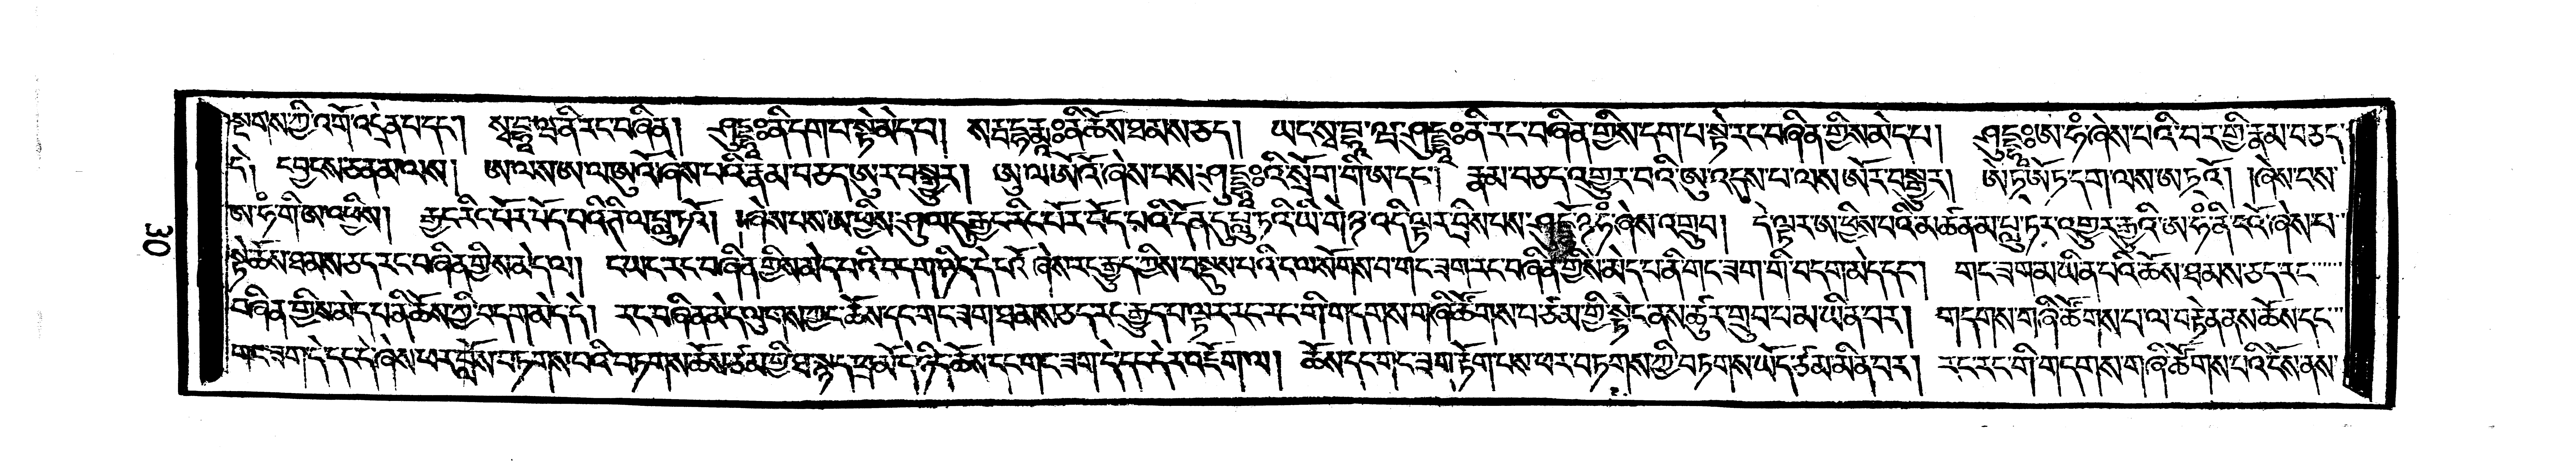སྔགས་ཀྱི་འགོ་འདྲེན་པ་དང་། སྭབྷཱ་ཝ་ནི་རང་བཞིན། ཤུདྡྷཱཿ ནི་དག་པ་སྟེ་མེད་པ། སརྦ་དྷརྨཱཿ ནི་ཆོས་ཐམས་ཅད། ཡང་སྭབྷཱ་ཝ་ཤུདྡྷཱཿ ནི་རང་བཞིན་གྱིས་དག་པ་སྟེ་རང་བཞིན་གྱིས་མེད་པ། ཤུདྡྷཱཿཨཧཾ་ཞེས་པའི་བར་གྱི་རྣམ་བཅད་
དེ༑ དབྱངས་ཅན་མ་ལས། ཨ་ལས་ཨ་ལ་ཨུའོ་ཞེས་པའི་རྣམ་བཅད་ཨུར་བསྒྱུར། ཨུ་ལ་ཨོའོ་ཞེས་པས་ཤུདྡྷཱཿའི་སྲོག་གི་ཨ་དང་། རྣམ་བཅད་འགྱུར་བའི་ཨུ་འདུས་པ་ལས་ཨོར་བསྒྱུར། ཨེ་ཏཡོཏ་དག་ལས་ཨཏ་འོ། །ཞེས་པས་
ཨ་ཧཾ་གི་ཨ་ཕྱིས། རྒྱང་རིང་པོར་བོད་པའི་ཊི་ལ་བླུ་ཏའོ། །ཞེས་པས་ཨ་ཕྱིས་ཤུལ་དུ་རྒྱང་རིང་པོར་བོད་པའི་དོན་དུ་བླུ་ཏའི་ཡི་གེ་ཉ་འདི་ལྟར་བྲིས་པས་ཤུདྡྷོ་ཉ་ཧཾ་ཞེས་འགྲུབ། དེ་ལྟར་ཨ་ཕྱིས་པའི་མཚན་མ་བླུ་ཏར་འགྱུར་རྒྱུའི་ཨ་ཧཾ་ནི་ངའོ་ཞེས་པ་
སྟེ་ཆོས་ཐམས་ཅད་རང་བཞིན་གྱིས་མེད་ལ། ང་ཡང་རང་བཞིན་གྱིས་མེད་པའི་བདག་ཉིད་དེ་ངའོ་ཞེས་རང་རྒྱུད་ཀྱིས་བསྡུས་པའི་ང་ལ་སོགས་པ་གང་ཟག་རང་བཞིན་གྱིས་མེད་པ་ནི་གང་ཟག་གི་བདག་མེད་དང་། གང་ཟག་མ་ཡིན་པའི་ཆོས་ཐམས་ཅད་རང་
བཞིན་གྱིས་མེད་པ་ནི་ཆོས་ཀྱི་བདག་མེད་དེ། རང་བཞིན་མེད་ལུགས་ཀྱང་ཆོས་དང་གང་ཟག་ཐམས་ཅད་རང་རྒྱུད་པ་ལྟར་རང་རང་གི་གདགས་གཞི་ཚོགས་པ་ཙམ་གྱི་སྟེང་ནས་ཚུར་གྲུབ་པ་མ་ཡིན་པར། གདགས་གཞི་ཚོགས་པ་ལ་བརྟེན་ནས་ཆོས་དང་
གང་ཟག་དེ་དང་དེ་ཞེས་ཕར་བློས་བཏགས་པའི་བཏགས་ཆོས་ཙམ་གྱི་ཐ་སྙད་ཕྲ་མོ་དེ་ཉིད་ཆོས་དང་གང་ཟག་དེ་དང་དེ་འཇོག་པ། ཆོས་དང་གང་ཟག་རྟོག་པས་ཕར་བཏགས་ཀྱི་བཏགས་ཡོད་ཙམ་མིན་པར། རང་རང་གི་གདགས་གཞི་ཚོགས་པའི་ངོས་ནས་